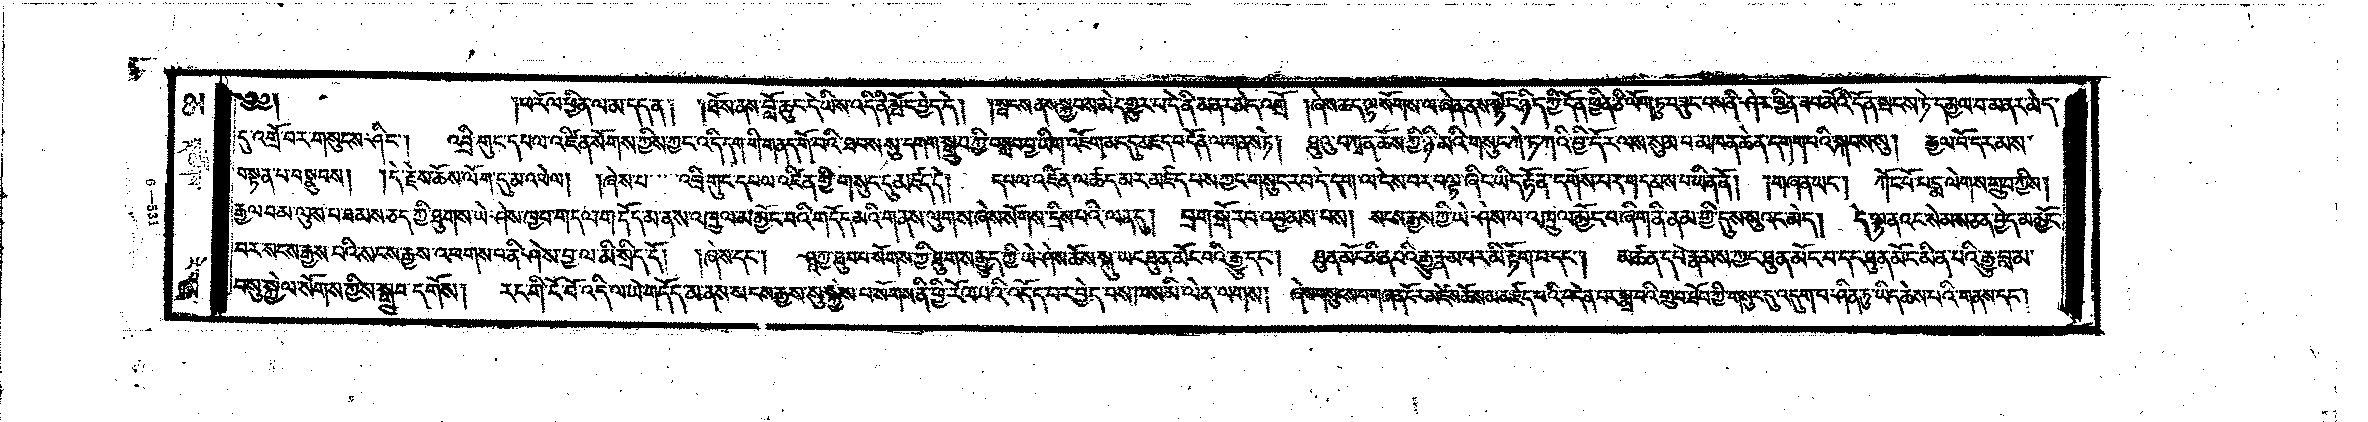༄༅། །ཕ་རོལ་ཕྱིན་ལ་མ་དད་ན། །ཐོས་ནས་བློ་ཆུང་དེ་ཡིས་འདི་ནི་སྤོང་བྱེད་དེ། །སྤངས་ནས་སྐྱབས་མེད་གྱུར་པ་དེ་ནི་མནར་མེད་འགྲོ་།ཞེས་ཆད་ལྟ་སོགས་ལ་ཞེན་ནས་སྟོང་ཉིད་ཀྱི་དོན་ཕྱིན་ཅི་ལོག་ཏུ་བཟུང་བས་ནི་ཤེར་ཕྱིན་ཟབ་མོའི་དོན་སྤངས་ཏེ་དམྱལ་བ་མནར་མེད་
དུ་འགྲོ་བར་གསུངས་ཤིང་། འབྲི་གུང་དཔལ་འཛིན་སོགས་ཀྱིས་ཀྱང་འདི་དག་གི་གནད་གོ་བའི་ཐབས་སུ་དགག་སྒྲུབ་ཀྱི་བསླབ་བྱ་ཡིག་འཇོག་མང་དུ་མཇད་པ་དོན་ལ་གནས་ཏེ། ཐུའུ་བཀྭན་ཆོས་ཀྱི་ཉི་མའི་གསུང་ཀེ་ཏ་ཀའི་བྱི་དོར་ལས་སུམ་བ་མཁན་ཆེན་དགག་པའི་སྐབས་སུ། རྒྱལ་བོ་དར་མས་
བསྟན་པ་བསྣུབས། །དེ་རྗེས་ཆོས་ལོག་དུ་མ་འཕེལ། །ཞེས་པ་འབྲི་གུང་དཔལ་འཛིན་གྱི་གསུང་དུ་མཛད་དེ། དཔལ་འཛིན་ལ་ཚད་མར་མཛད་པས་ཀྱང་གསུང་རབ་དེ་དག་ལ་ངེས་བར་བལྟ་ཞིང་ཡིད་རྟོན་དགོས་པར་གདམས་པ་ཡིན་ནོ། །གཞན་ཡང་། ཀོང་པོ་པདམ་ལེགས་གྲུབ་ཀྱིས།
རྒྱལ་བམ་ལུས་པ་ཐམས་ཅད་ཀྱི་ཐུགས་ཡེ་ཤེས་ཁྱབ་གདལ་གདོད་མ་ནས་འཁྲུལ་མ་མྱོང་བའི་གདོད་མའི་གནས་ལུགས་ཞེས་སོགས་དྲིས་པའི་ལན་དུ། བྲག་སྒྲོ་རབ་འབྱམས་པས། སངས་རྒྱས་ཀྱི་ཡེ་ཤེས་ལ་འཁྲུལ་མྱོང་བ་ཞིག་ནི་ནམ་གྱི་དུས་སུའང་མེད། དེ་ལྟ་ནའང་སེམས་ཅན་བྱེད་མ་མྱོང་
བར་སངས་རྒྱས་བའི་སངས་རྒྱས་འཕགས་པ་ནི་ཤེས་བྱ་ལ་མི་སྲིད་དོ། །ཞེས་དང་། ཤཱཀྱ་ཐུབ་པ་སོགས་ཀྱི་ཐུགས་རྒྱུད་ཀྱི་ཡེ་ཤེས་ཆོས་སྐུ་ཡང་ཐུན་མོང་བའི་རྒྱུ་དང་། ཐུན་མོང་མིན་པའི་རྒྱུ་རྣམ་པར་མི་རྟོག་པ་དང་། མཚན་དཔེ་རྣམས་ཀྱང་ཐུན་མོང་བ་དང་ཐུན་མོང་མིན་པའི་རྒྱུ་བླ་མ་
བསུ་སྐྱེལ་སོགས་ཀྱིས་སྒྲུབ་དགོས། རང་གི་ངོ་བོ་འདི་ལ་ཡེ་གདོད་མ་ནས་སངས་རྒྱས་སུ་སྐྱེས་པ་སོགས་ནི་ཕྱི་རོལ་པའི་འདོད་པར་བྱེད་པས་ཁས་མི་ལེན་ལགས། ཞེས་གསུངས་པ་གཞན་ངོར་མཛེས་ཆོས་མ་མཛད་པའི་བདེན་པར་སྨྲ་བའི་གྲུབ་ཐོབ་ཀྱི་གསུང་དུ་འདུག་པ་ཤིན་ཏུ་ཡིད་ཆེས་པའི་གནས་དང་།